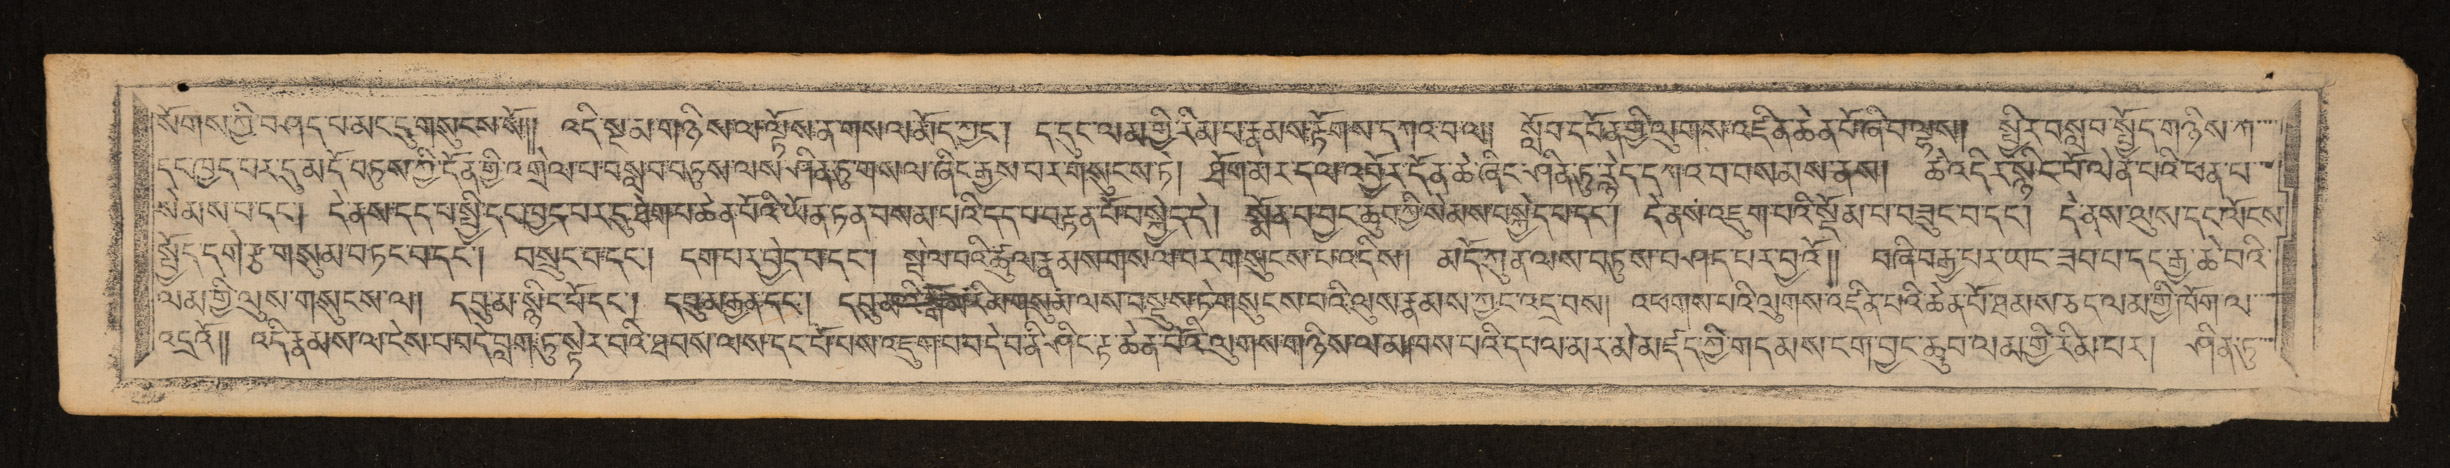སོགས་ཀྱི་བཤད་པ་མང་དུ་གསུངས་སོ།། འདི་སྔ་མ་གཉིས་ལ་ལྟོས་ན་གསལ་མོད་ཀྱང་། ད་དུང་ལམ་གྱི་རིམ་པ་རྣམས་རྟོགས་དཀའ་བ་ལ། སློབ་དཔོན་གྱི་ལུགས་འཛིན་ཆེན་པོ་ཞི་བ་ལྷས། སྤྱིར་བསླབ་སྤྱོད་གཉིས་ཀ་
དང་ཁྱད་པར་དུ་མདོ་བཏུས་ཀྱི་དོན་གྱི་འགྲེལ་པ་བསླབ་བཏུས་ལས་ཤིན་ཏུ་གསལ་ཞིང་རྒྱས་པར་གསུངས་ཏེ། ཐོག་མར་དལ་འབྱོར་དོན་ཆེ་ཞིང་ཤིན་ཏུ་རྙེད་དཀའ་བ་བསམས་ནས། ཚེ་འདིར་སྙིང་པོ་ལེན་པའི་ཕན་པ་
སེམས་པ་དང་། དེ་ནས་དད་པ་སྤྱི་དང་ཁྱད་པར་དུ་ཐེག་པ་ཆེན་པོའི་ཡོན་ཏན་བསམ་པའི་དད་པ་བརྟན་པོ་བསྐྱེད་དེ། སྨོན་པ་བྱང་ཆུབ་ཀྱི་སེམས་བསྐྱེད་པ་དང་། དེ་ནས་འཇུག་པའི་སྡོམ་པ་བཟུང་བ་དང་། དེ་ནས་ལུས་དང་ལོངས་
སྤྱོད་དགེ་རྩ་གསུམ་བཏང་བ་དང་། བསྲུང་བ་དང་། དག་པར་བྱེད་པ་དང་། སྤེལ་བའི་ཚུལ་རྣམས་གསལ་བར་གསུངས་པ་འདིས། མདོ་ཀུན་ལས་བཏུས་བཤད་པར་བྱའོ།། བཞི་བརྒྱ་པར་ཡང་ཟབ་པ་དང་རྒྱ་ཆེ་བའི་
ལམ་གྱི་ལུས་གསུངས་ལ། དབུ་མ་སྙིང་པོ་དང་། དབུ་མ་རྒྱན་དང་། དབུ་མའི་སྒོམ་རིམ་གསུམ་ལས་བསྡུས་ཏེ་གསུངས་པའི་ལུས་རྣམས་ཀྱང་འདྲ་བས། འཕགས་པའི་ལུགས་འཛིན་པའི་ཆེན་པོ་ཐམས་ཅད་ལམ་གྱི་ཁོག་ལ་
འདྲའོ།། འདི་རྣམས་ལ་ངེས་པ་བདེ་བླག་ཏུ་སྟེར་བའི་ཐབས་ལས་དང་པོ་བས་འཇུག་པ་བདེ་བ་ནི་ཤིང་རྟ་ཆེན་པོའི་ལུགས་གཉིས་ལ་མཁས་པའི་དཔལ་མར་མེ་མཛད་ཀྱི་གདམས་ངག་བྱང་ཆུབ་ལམ་གྱི་རིམ་པར། ཤིན་ཏུ་